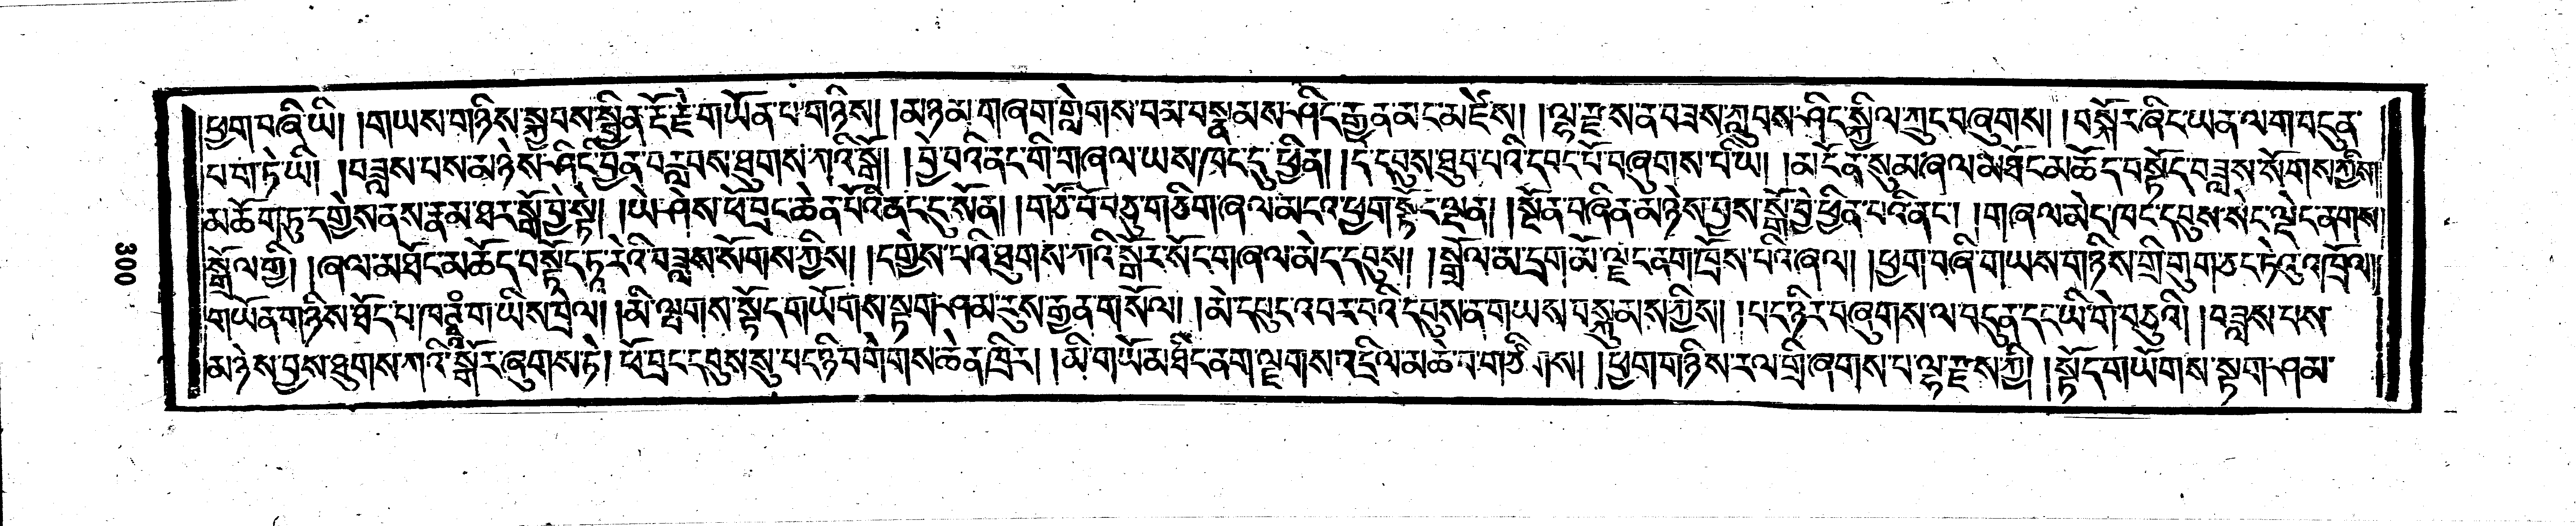ཕྱག་བཞི་ཡི། །གཡས་གཉིས་སྐྱབས་སྦྱིན་རྡོ་རྗེ་གཡོན་པ་གཉིས། །མཉམ་གཞག་གླེགས་བམ་བསྣམས་ཤིང་རྒྱན་མང་མཛེས། །ལྷ་རྫས་ན་བཟས་ཀླུབས་ཤིང་སྐྱིལ་ཀྲུང་བཞུགས། །བསྐོར་ཞིང་ཡན་ལག་བདུན་
པ་ག་ཏེ་ཡི། །བཟླས་པས་མཉེས་ཤིང་བྱིན་བརླབས་ཐུགས་ཀའི་སྒོ། །བྱེ་བའི་ནང་གི་གཞལ་ཡས་ཁང་དུ་ཕྱིན། །དེ་དབུས་ཐུབ་པའི་དབང་པོ་བཞུགས་པ་ཡི། །མངོན་སུམ་ཞལ་མཐོང་མཆོད་བསྟོད་བཟླས་སོགས་ཀྱིས།།
མཆོག་ཏུ་དགྱེས་ནས་རྣམ་ཐར་སྒོ་བྱེ་སྟེ། །ཡེ་ཤེས་ཕོ་བྲང་ཆེན་པོའི་ནང་དུ་སོན། །གཙོ་བོ་བཅུ་གཅིག་ཞལ་མངའ་ཕྱག་སྟོང་ལྡན། །སྔོན་བཞིན་མཉེས་བྱས་སྒོ་བྱེ་ཕྱིན་པའི་ནང་། །གཞལ་མེད་ཁང་དབུས་སེང་ལྡེང་ནགས་
སྒྲོལ་གྱི། །ཞལ་མཐོང་མཆོད་བསྟོད་ཏཱ་རེའི་བཟླས་སོགས་ཀྱིས། །དགྱེས་པའི་ཐུགས་ཀའི་སྒོར་སོང་གཞལ་མེད་དབུས། །སྒྲོལ་མ་དྲག་མོ་ལྗང་ནག་ཁྲོས་པའི་ཞལ། །ཕྱག་བཞི་གཡས་གཉིས་གྲི་གུག་ཅང་ཏེའུ་འཁྲོལ།།
གཡོན་གཉིས་ཐོད་པ་ཁ་ཊྲཱཾ་ག་ཡིས་བྲེལ། །མི་ལྤགས་སྟོད་གཡོགས་སྟག་ཤམ་རུས་རྒྱན་གསོལ། །མེ་དཔུང་འབར་བའི་དབུས་ན་གཡས་བསྐུམས་ཀྱིས། །པད་ཉིར་བཞུགས་ལ་བདུན་དང་ཡི་གེ་བཅུའི། །བཟླས་པས་
མཉེས་བྱས་ཐུགས་ཀའི་སྒོར་ཞུགས་ཏེ། །ཕོ་བྲང་དབུས་སུ་པད་ཉི་བགེགས་ཆེན་ཁྲིར། །མི་གཡོ་མཐིང་ནག་ལྗགས་འདྲིལ་མཆེ་བ་གཙིགས། །ཕྱག་གཉིས་རལ་གྲི་ཞགས་པ་ལྷ་རྫས་ཀྱི། །སྟོད་གཡོགས་སྟག་ཤམ་